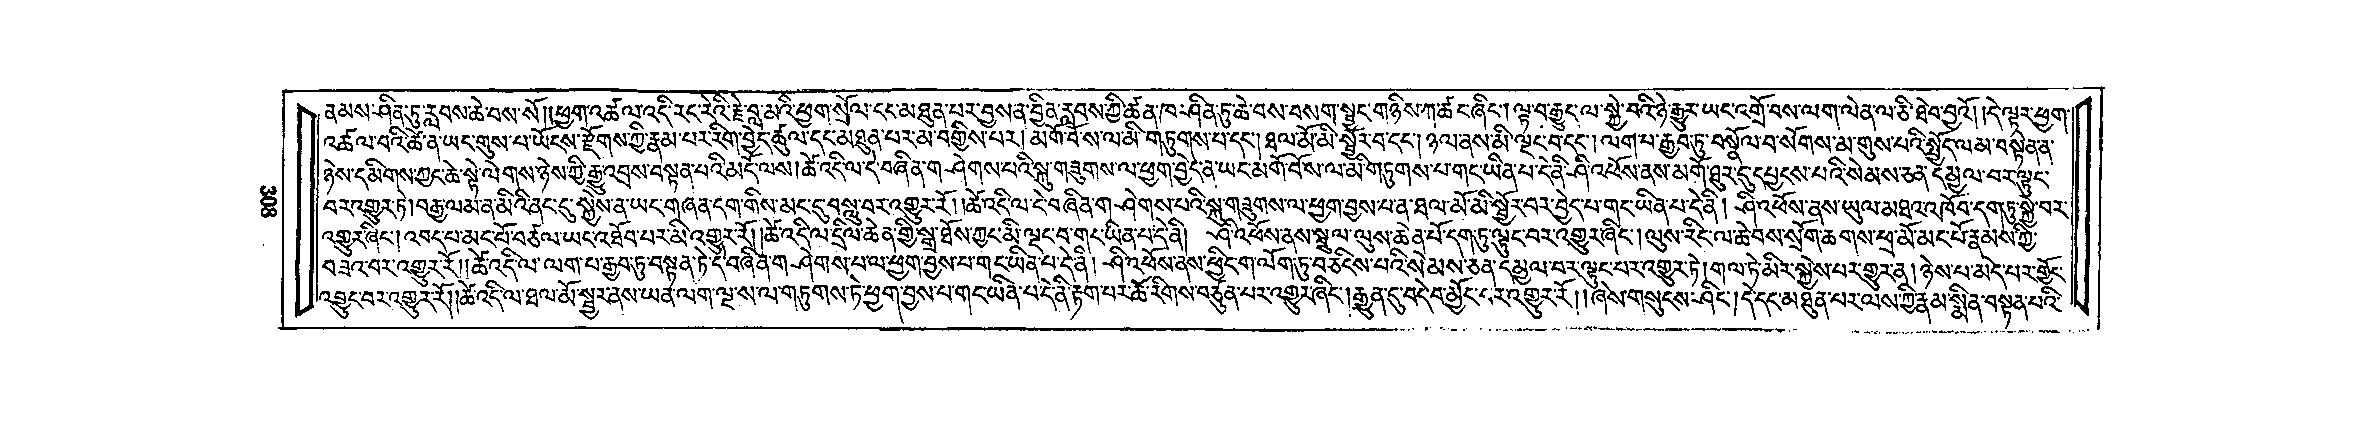ནམས་ཤིན་ཏུ་རླབས་ཆེ་བས་སོ། །ཕྱག་འཚལ་འདི་རང་རེའི་རྗེ་བླ་མའི་ཕྱག་སྲོལ་དང་མཐུན་པར་བྱས་ན་བྱིན་རླབས་ཀྱི་ཚན་ཁ་ཤིན་ཏུ་ཆེ་བས་བསག་སྦྱང་གཉིས་ཀ་ཚང་ཞིང་། ལྟ་བ་རྒྱུད་ལ་སྐྱེ་བའི་ཉེ་རྒྱུར་ཡང་འགྲོ་བས་ལག་ལེན་ལ་ཅི་ཐེབ་བྱའོ། །དེ་ལྟར་ཕྱག་
འཚལ་བའི་ཚེ་ན་ཡང་གུས་པ་ཡོངས་རྫོགས་ཀྱི་རྣམ་པར་རིག་བྱེད་ཚུལ་དང་མཐུན་པར་མ་བགྱིས་པར། མགོ་བོ་ས་ལ་མི་གཏུགས་པ་དང་། ཐལ་མོ་མི་སྦྱོར་བ་དང་། ཉལ་ནས་མི་ལྡང་བ་དང་། ལག་པ་རྒྱབ་ཏུ་བསྣོལ་བ་སོགས་མ་གུས་པའི་སྤྱོད་ལམ་བསྟེན་ན་
ཉེས་དམིགས་ཀྱང་ཆེ་སྟེ་ལེགས་ཉེས་ཀྱི་རྒྱུ་འབྲས་བསྟན་པའི་མདོ་ལས། ཚེ་འདི་ལ་དེ་བཞིན་གཤེགས་པའི་སྐུ་གཟུགས་ལ་ཕྱག་བྱེད་ན་ཡང་མགོ་བོ་ས་ལ་མི་གཏུགས་པ་གང་ཡིན་པ་དེ་ནི་ཤི་འཕོས་ནས་མགོ་ཐུར་དུ་དཔྱངས་པའི་སེམས་ཅན་དམྱལ་བར་ལྟུང་
བར་འགྱུར་ཏེ། བརྒྱ་ལམ་ན་མིའི་ནང་དུ་སྐྱེས་ན་ཡང་གཞན་དག་གིས་མང་དུ་བསླུ་བར་འགྱུར་རོ། །ཚེ་འདི་ལ་དེ་བཞིན་གཤེགས་པའི་སྐུ་གཟུགས་ལ་ཕྱག་བྱས་པ་ན་ཐལ་མོ་མི་སྦྱོར་བར་བྱེད་པ་གང་ཡིན་པ་དེ་ནི། ཤི་འཕོས་ནས་ཡུལ་མཐའ་འཁོབ་དག་ཏུ་སྐྱེ་བར་
ཡུར་ཞིང་། འབད་པ་མང་པོ་བཙལ་ཡང་འཐོབ་པར་མི་འགྱུར་རོ། །ཚེ་འདི་ལ་དྲིལ་ཆེན་གྱི་སྒྲ་ཐོས་ཀྱང་མི་ལྡང་བ་གང་ཡིན་པ་དེ་ནི། ཤི་འཕོས་ནས་སྦྲུལ་ལུས་ཆེན་པོ་དག་ཏུ་ལྟུང་བར་འགྱུར་ཞིང་། ལུས་རིང་ལ་ཆེ་བས་སྲོག་ཆགས་ཕྲ་མོ་མང་པོ་རྣམས་ཀྱི་
བཟའ་བར་འགྱུར་རོ། །ཚེ་འདི་ལ་ལག་པ་རྒྱབ་ཏུ་བསྟན་ཏེ་དེ་བཞིན་གཤེགས་པ་ལ་ཕྱག་བྱས་པ་གང་ཡིན་པ་དེ་ནི། ཤི་འཕོས་ནས་ཕྱིང་ག་ལོག་ཏུ་བཅིངས་པའི་སེམས་ཅན་དམྱལ་བར་ལྟུང་པར་འགྱུར་ཏེ། གལ་ཏེ་མིར་སྐྱེས་པར་གྱུར་ན། ཉེས་པ་མེད་པར་གྱོང་
འབྱུང་བར་འགྱུར་རོ། །ཚེ་འདི་ལ་ཐལ་མོ་སྦྱར་ནས་ཡན་ལག་ལྔ་ས་ལ་གཏུགས་ཏེ་ཕྱག་བྱས་པ་གང་ཡིན་པ་དེ་ནི་རྟག་པར་ཚེ་རིགས་བཙུན་པར་འགྱུར་ཞིང་། རྒྱུན་དུ་བདེ་བ་མྱོང་བར་འགྱུར་རོ། །ཞེས་གསུངས་ཤིང་། དེ་དང་མཐུན་པར་ལས་ཀྱི་རྣམ་སྨིན་བསྟན་པའི་